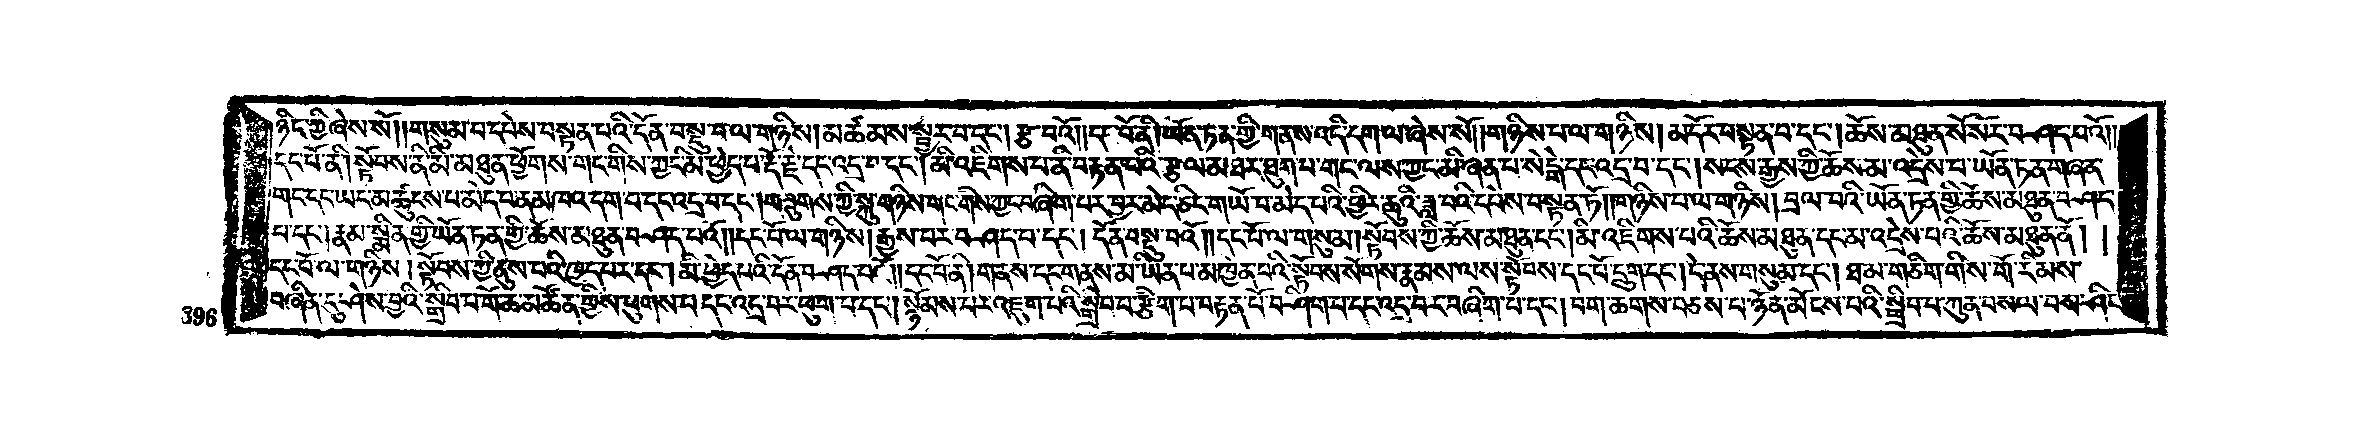ཉིད་ཀྱི་ཞེས་སོ། །གསུམ་པ་དཔེས་བསྟན་པའི་དོན་བསྡུ་བ་ལ་གཉིས། མཚམས་སྦྱར་བ་དང་། རྩ་བའོ། །དང་པོ་ནི། ཡོན་ཏན་གྱི་གནས་འདི་དག་ལ་ཞེས་སོ། །གཉིས་པ་ལ་གཉིས། མདོར་བསྟན་པ་དང་། ཆོས་མཐུན་སོ་སོར་བཤད་པའོ། །
དང་པོ་ནི། སྟོབས་ནི་མི་མཐུན་ཕྱོགས་གང་གིས་ཀྱང་མི་ཕྱེད་པ་རྡོ་རྗེ་དང་འདྲ་བ་དང་། མི་འཇིགས་པ་ནི་བརྟན་པའི་རྩལ་མཐར་ཐུག་པ་གང་ལས་ཀྱང་མི་ཞན་པ་སེངགེ་དང་འདྲ་བ་དང་། སངས་རྒྱས་ཀྱི་ཆོས་མ་འདྲེས་པ་ཡོན་ཏན་གཞན་
གང་དང་ཡང་མཚུངས་པ་མེད་པ་ནམ་མཁའ་དག་པ་དང་འདྲ་བ་དང་། གཟུགས་ཀྱི་སྐུ་གཉིས་གང་གིས་ཀྱང་བཞིག་པར་བྱར་མེད་ཅིང་གཡོ་བ་མེད་པའི་ཕྱིར་ཆུའི་ཟླ་བའི་དཔེས་བསྟན་ཏོ། །གཉིས་པ་ལ་གཉིས། བྲལ་བའི་ཡོན་ཏན་གྱི་ཆོས་མཐུན་བཤད་
པ་དང་། རྣམ་སྨིན་གྱི་ཡོན་ཏན་གྱི་ཆོས་མཐུན་བཤད་པའོ། །དང་པོ་ལ་གཉིས། རྒྱས་པར་བཤད་པ་དང་། དོན་བསྡུ་བའོ། །དང་པོ་ལ་གསུམ། སྟོབས་ཀྱི་ཆོས་མཐུན་དང་། མི་འཇིགས་པའི་ཆོས་མཐུན་དང་མ་འདྲེས་པའི་ཆོས་མཐུན་ནོ། །
དང་པོ་ལ་གཉིས། སྟོབས་ཀྱི་ནུས་པའི་ཁྱད་པར་དང་། མི་ཕྱེད་པའི་དོན་བཤད་པའོ། །དང་པོ་ནི། གནས་དང་གནས་མ་ཡིན་པ་མཁྱེན་པའི་སྟོབས་སོགས་རྣམས་ལས་སྟོབས་དང་པོ་དྲུག་དང་། དེ་ནས་གསུམ་དང་། ཐ་མ་གཅིག་གིས་གོ་རིམས་
བཞིན་དུ་ཤེས་བྱའི་སྒྲིབ་པ་གོ་ཆ་མཚོན་གྱིས་ཕུགས་པ་དང་འདྲ་བར་ཕུག་པ་དང་། སྙོམས་པར་འཇུག་པའི་སྒྲིབ་པ་རྩིག་པ་བརྟན་པོ་བཤིག་པ་དང་འདྲ་བར་བཞིག་པ་དང་། བག་ཆགས་བཅས་པ་ཉོན་མོངས་པའི་སྒྲིབ་པ་ཀུན་བསལ་བས་ཤིང་